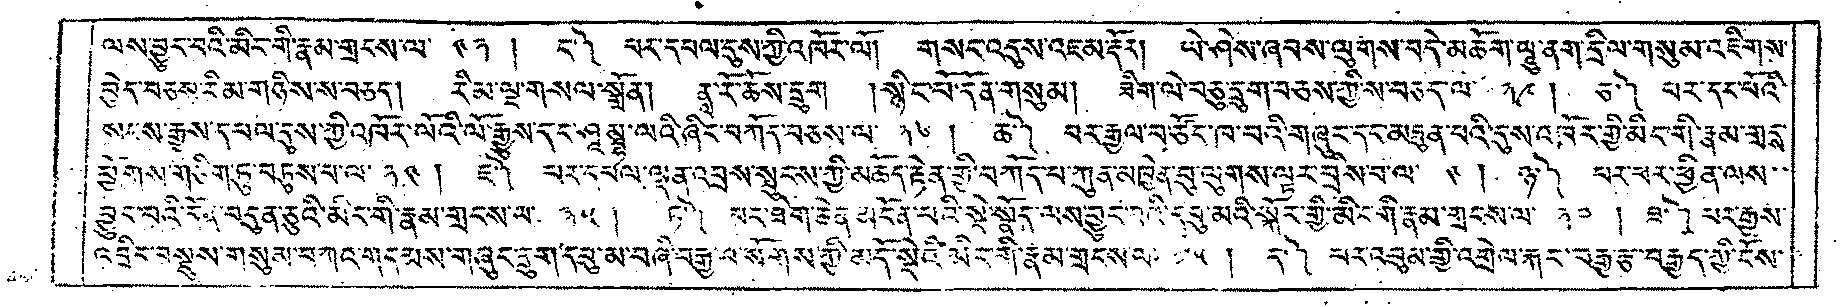ལས་བྱུང་བའི་མིང་གི་རྣམ་གྲངས་ལ ༤༢། ང྄་པར་དཔལ་དུས་ཀྱི་འཁོར་ལོ། གསང་འདུས་འཇམ་རྡོར། ཡེ་ཤེས་ཞབས་ལུགས་བདེ་མཆོག་ལཱུ་ནག་དྲིལ་གསུམ་འཇིགས་
བྱེད་བཅས་རིམ་གཉིས་ས་བཅད། རིམ་ལྔ་གསལ་སྒྲོན། ནཱ་རོ་ཆོས་དྲུག །སྙིང་པོ་དོན་གསུམ། ཐིག་ལེ་བཅུ་དྲུག་བཅས་ཀྱི་ས་བཅད་ལ ༢༩། ཅ྄་པར་དང་པོའི་
སངས་རྒྱས་དཔལ་དུས་ཀྱི་འཁོར་ལོའི་ལོ་རྒྱུས་དང་ཤཱམྦྷ་ལའི་ཞིང་བཀོད་བཅས་ལ ༢༦། ཆ྄་པར་རྒྱལ་བ་ཙོང་ཁ་པའི་གཞུང་དང་མཐུན་པའི་དུས་འཁོར་གྱི་མིང་གི་རྣམ་གྲངས་
ཕྱོགས་གཅིག་ཏུ་བཏུས་པ་ལ ༢༤། ཇ྄་པར་དཔལ་ལྡན་འབྲས་སྤུངས་ཀྱི་མཆོད་རྟེན་གྱི་བཀོད་པ་ཀུན་མཁྱེན་བུ་ལུགས་ལྟར་བྲིས་པ་ལ ༤། ཉ྄་པར་ཕར་ཕྱིན་ལས་
བྱུང་བའི་དོན་བདུན་ཅུའི་མིང་གི་རྣམ་གྲངས་ལ ༣༥། ཏ྄་པར་ཐེག་ཆེན་མངོན་པའི་སྡེ་སྣོད་ལས་བྱུང་བའི་དབུ་མའི་སྐོར་གྱི་མིང་གི་རྣམ་གྲངས་ལ ༢༠། ཐ྄་པར་རྒྱས་
འབྲིང་བསྡུས་གསུམ་བཀའ་གདམས་གཞུང་དྲུག་དབུ་མ་བཞི་བརྒྱ་པ་སོགས་ཀྱི་མདོ་སྡེའི་མིང་གི་རྣམ་གྲངས་ལ ༡༥། ད྄་པར་འབུམ་གྱི་འགྲེལ་རྐང་བརྒྱ་རྩ་བརྒྱད་ཀྱི་ངོས་